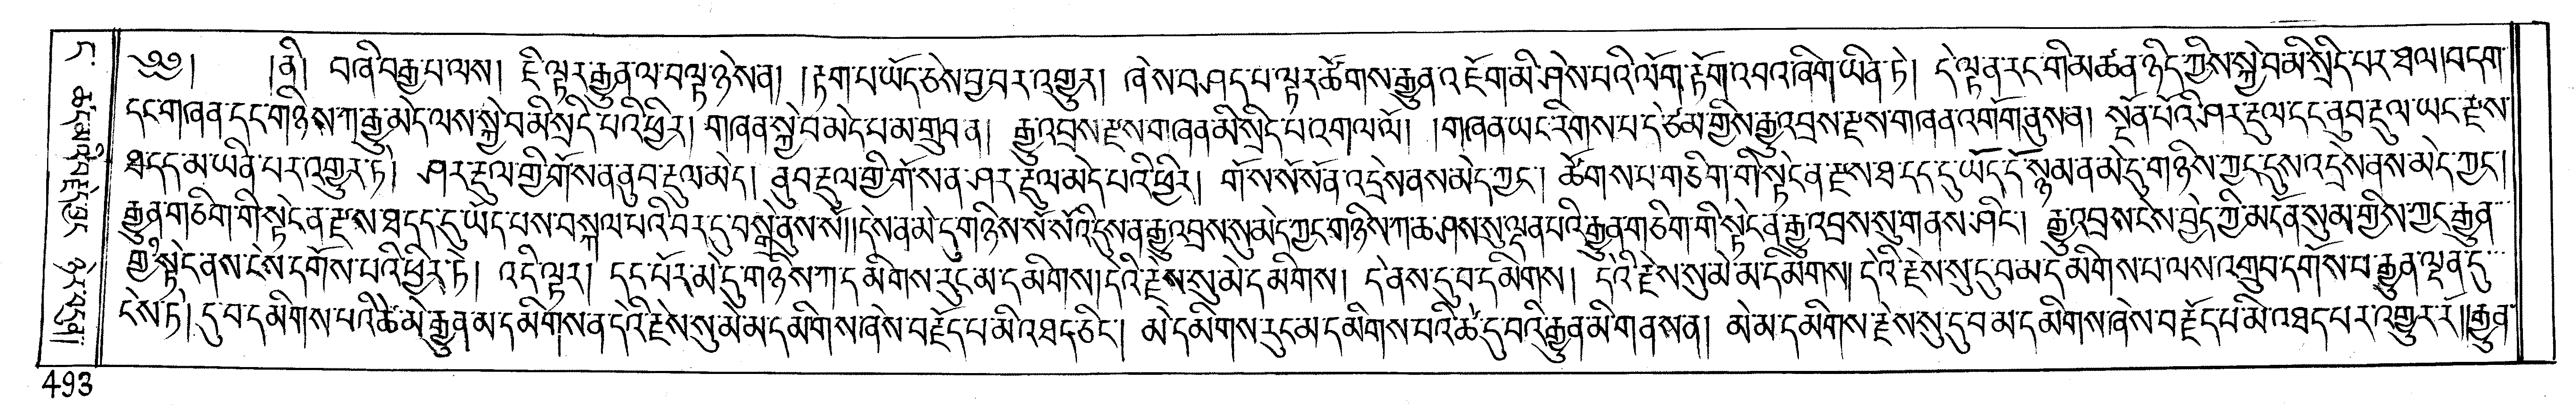༄༅། །ནི། བཞི་བརྒྱ་པ་ལས། ཇི་ལྟར་རྒྱུན་ལ་བལྟ་ཉེས་ན། །རྟག་པ་ཡོད་ཅེས་བྱ་བར་འགྱུར། ཞེས་བཤད་པ་ལྟར་ཚོགས་རྒྱུན་འཇོག་མི་ཤེས་པའི་ལོག་རྟོག་འབའ་ཞིག་ཡིན་ཏེ། དེ་ལྟ་ན་རང་གི་མཚན་ཉིད་ཀྱིས་སྐྱེ་བ་མི་སྲིད་པར་ཐལ། བདག་
དང་གཞན་དང་གཉིས་ཀ་རྒྱུ་མེད་ལས་སྐྱེ་བ་མི་སྲིད་པའི་ཕྱིར། གཞན་སྐྱེ་བ་མེད་པ་མ་གྲུབ་ན། རྒྱུ་འབྲས་རྫས་གཞན་མི་སྲིད་པ་འགལ་ལོ། །གཞན་ཡང་རིགས་པ་དེ་ཙམ་གྱིས་རྒྱུ་འབྲས་རྫས་གཞན་འགོག་ནུས་ན། སྔོན་པོའི་ཤར་རྡུལ་དང་ནུབ་རྡུལ་ཡང་རྫས་
ཐ་དད་མ་ཡིན་པར་འགྱུར་ཏེ། ཤར་རྡུལ་གྱི་གོ་ས་ན་ནུབ་རྡུལ་མེད། ནུབ་རྡུལ་གྱི་གོ་ས་ན་ཤར་རྡུལ་མེད་པའི་ཕྱིར། གོ་ས་སོ་སོ་ན་འདྲེས་ནས་མེད་ཀྱང་། ཚོགས་པ་གཅིག་གི་སྟེང་ན་རྫས་ཐ་དད་དུ་ཡོད་དོ་སྙམ་ན་མེ་དུ་གཉིས་ཀྱང་དུས་འདྲེས་ནས་མེད་ཀྱང་
རྒྱུན་གཅིག་གི་སྟེང་ན་རྫས་ཐ་དད་དུ་ཡོད་པས་བསྐལ་པའི་བར་དུ་བསྒྲེ་ནུས་སོ། །དེས་ན་མེ་དུ་གཉིས་སོ་སོའི་དུས་ན་རྒྱུ་འབྲས་སུ་མེད་ཀྱང་གཉིས་ཀ་ཆ་ཤས་སུ་ལྡན་པའི་རྒྱུན་གཅིག་གི་སྟེང་ན་རྒྱུ་འབྲས་སུ་གནས་ཤིང་། རྒྱུ་འབྲས་ངེས་བྱེད་ཀྱི་མངོན་སུམ་གྱིས་ཀྱང་རྒྱུན་
གྱི་སྟེང་ནས་ངེས་དགོས་པའི་ཕྱིར་ཏེ། འདི་ལྟར། དང་པོར་མེ་དུ་གཉིས་ཀ་དམིགས་རུང་མ་དམིགས། དེའི་རྗེས་སུ་མེ་དམིགས། དེ་ནས་དུ་བ་དམིགས། དེའི་རྗེས་སུ་མེ་མ་དམིགས། དེའི་རྗེས་སུ་དུ་བ་མ་དམིགས་པ་ལས་འགྲུབ་དགོས་པ་རྒྱུན་ལྡན་དུ་
ངེས་ཏེ། དུ་བ་དམིགས་པའི་ཚེ་མེ་རྒྱུན་མ་དམིགས་ན་དེའི་རྗེས་སུ་མེ་མ་དམིགས་ཞེས་བརྗོད་པ་མི་འཐད་ཅིང་། མེ་དམིགས་རུང་མ་དམིགས་པའི་ཚེ་དུ་བའི་རྒྱུན་མི་གནས་ན། མེ་མ་དམིགས་རྗེས་སུ་དུ་བ་མ་དམིགས་ཞེས་བརྗོད་པ་མི་འཐད་པར་འགྱུར་རོ། །རྒྱུན་